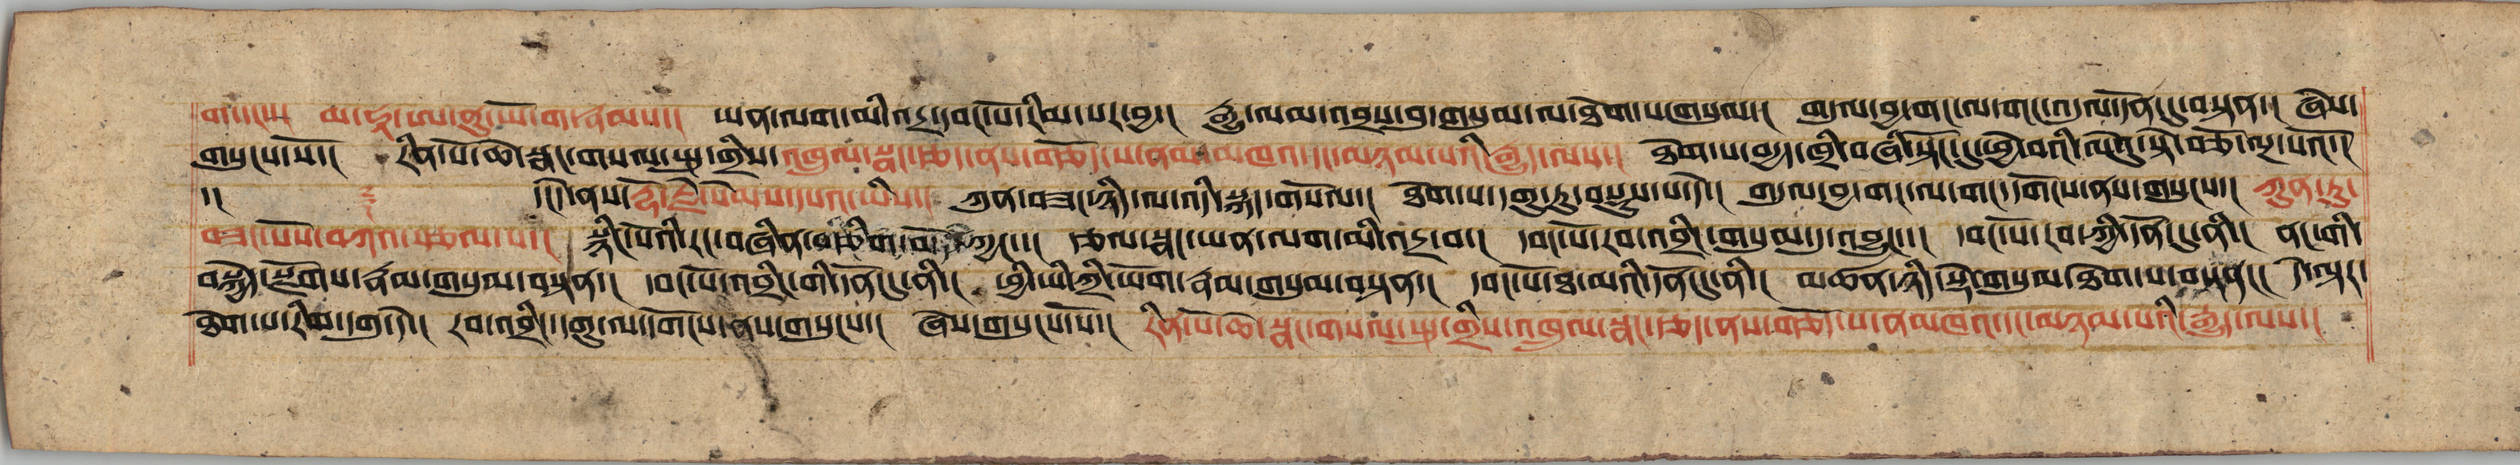ག་དང་་། མ་ཧཱ་ཨ་ནུ་ཡོ་ག་རྣམས་། ཡན་ལག་མི་འདྲ་དབང་པོ་རིམ་པར་བྱ་། རྒྱུ་ལམ་འབྲས་བུ་གསུམ་ལ་ཐེག་པ་གསུམ་། གདུལ་བྱ་གང་ལ་གང་འདུལ་དོན་དུ་བསྟན་། ཞེས་
གསུངས་སོ་། རིན་པོ་ཆེ་སྣང་གསལ་སྤུ་གྲིས་འཁྲུལ་སྣང་རྩད་ནས་བརྩོད་པ་ནམ་མཁའ་དང་མཉམ་པའི་རྒྱུད་ལས་། ཐེག་པ་བདྱད་ཁྲི་བཞི་སྟོང་དུ་ཕྱེ་བའི་ལེའུ་སྟེ་བཅོ་ལྔ་པའོ་།
་། ༈ ་།དེ་ནས་རྡོ་རྗེ་སེམས་དཔའ་ཡིས་། ཀུན་བཟང་ཉིད་ལ་འདི་སྐད་གསོལ་། ཐེག་པ་དགུ་རུ་བསྡུས་པ་དེ་། གདུལ་བྱ་གང་ལ་གང་དགོངས་ནས་གསུངས་། ཀུན་ཏུ་
བཟང་པོས་བཀའ་སྩལ་བ་། སྙིང་པོའི་རང་བཞིན་གཅིག་མོད་ཀྱང་་། རྩལ་སྣང་ཡན་ལག་མི་འདྲ་བ་། དབང་པོ་རབ་འབྲིང་གསུམ་དུ་འབྱུང་་། དབང་པོ་རབ་ཀྱི་དོན་དུ་ནི་། ནང་གི་
བསྐྱེད་སྫོགས་རྣམ་གསུམ་བསྟན་། དབང་པོ་འབྲིང་གི་དོན་དུ་ནི་། ཕྱི་ཡི་ཀྲི་ཡོག་རྣམ་གསུམ་བསྟན་། དབང་པོ་ཐ་མའི་དོན་དུ་ནི་། མཚན་ཉིད་སྡེ་གསུམ་ཐེག་པ་བསྟན།།། དེ་ལྟར་
ཐེག་པ་རིམ་དགུ་དེ་། རབ་འབྲིང་དགུ་ལ་དགོངས་ནས་གསུངས་། ཞེས་གསུངས་སོ་། རིན་པོ་ཆེ་སྣང་གསལ་སྤུ་གྲིས་འཁྲུལ་སྣང་རྩད་ནས་གཅོད་པ་ནམཁའ་དང་མཉམ་པའི་རྒྱུད་ལས་།